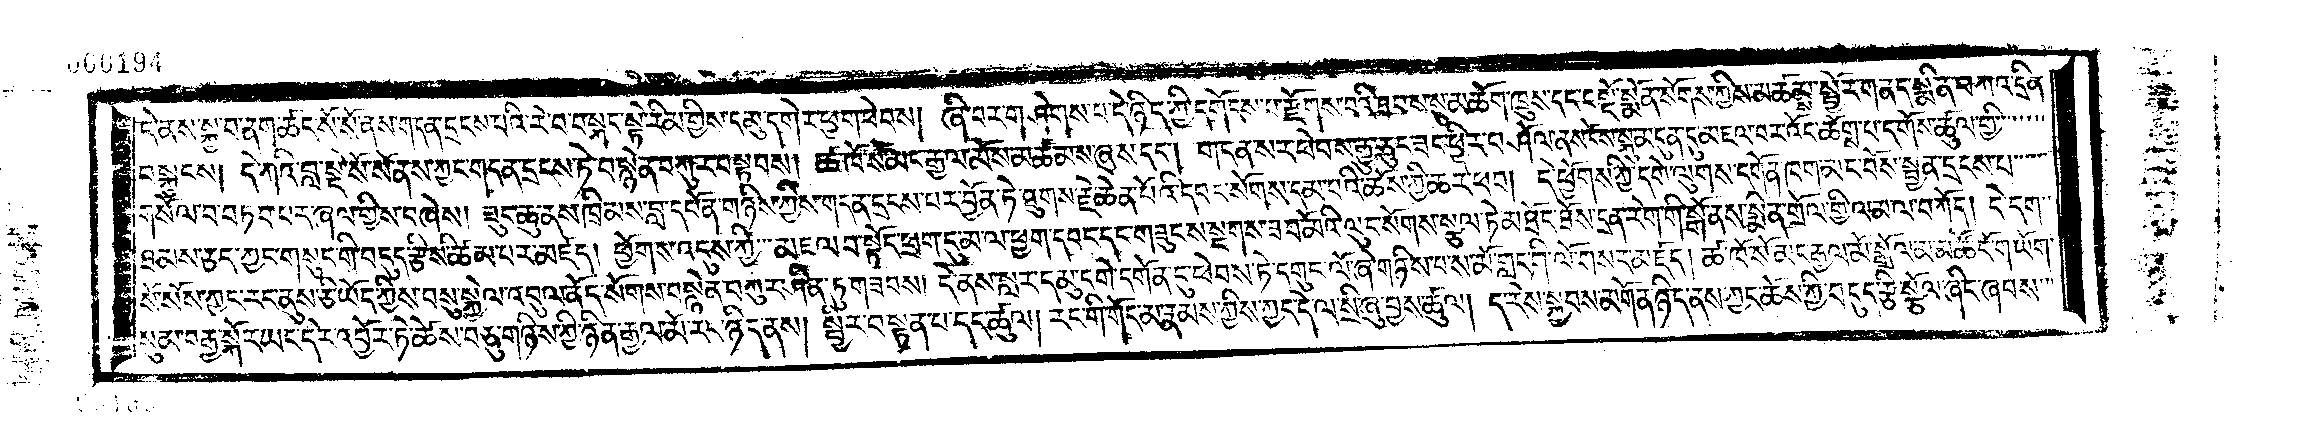དེ་ནས་སྐྱ་བ་ནག་ཚང་སོ་སོ་ནས་གདན་དྲངས་པའི་རེ་བ་བསྐང་སྟེ་རིམ་གྱིས་དམུ་དགེར་ཕྱག་ཕེབས། ཞི་པར་གཤེགས་པ་དེ་ཉིད་ཀྱི་དགོངས་པ་རྫོགས་པའི་ཐབས་སུ་མཆོག་ཁྲུས་དང་བསྔོ་སྨོན་སོགས་ཀྱིས་མཚམས་སྦྱོར་གནད་སྨིན་བཀའ་དྲིན་
བསྐྱངས?། དེ་ཀའི་བླ་སྡེ་སོ་སོ་ནས་ཀྱང་གདན་དྲངས་ཏེ་བསྙེན་བཀུར་བསྟབས། ཚ་ཁོ་སོ་མང་རྒྱལ་མོས་མཚམས་ཞུས་དང་། གདན་སར་ཕེབས་རྒྱུ་ཅུང་ཟད་ཕྱིར་བཤོལ་ནས་ངོས་སྐུ་མདུན་དུ་མཇལ་བར་འོང་ཆོགས་པ་དགོས་ཚུལ་གྱི་
གསོལ་བ་གཏབ་པར་ཞལ་གྱིས་བཞེས། ཟུང་ཆུ་ནས་ཁྲིམས་བླ་དཔོན་གཉིས་ཀྱིས་གདན་དྲངས་པར་བྱོན་ཏེ་ཐུགས་རྗེ་ཆེན་པོའི་དབང་སོགས་དམ་པའི་ཆོས་ཀྱི་ཆར་ཕབ། དེ་ཕྱོགས་ཀྱི་དགེ་ལུགས་དགོན་ཁག་མང་པོས་སྤྱན་དྲངས་པ་
ཐམས་ཅད་ཀྱང་གསུང་གི་བདུད་རྩིས་ཚིམ་པར་མཛད། ཕྱོགས་འདུས་ཀྱི་མཇལ་བ་སྟོང་ཕྲག་དུ་མ་ལ་ཕྱག་དབང་དང་གཟུངས་སྔགས་ཟབ་མོའི་ལུང་སོགས་སྩལ་ཏེ་མཐོང་ཐོས་དྲན་རེག་གི་སྒོ་ནས་སྨིན་གྲོལ་གྱི་ལམ་ལ་བཀོད། དེ་དག་
སོ་སོས་ཀྱང་རང་ནུས་ཅི་ཡོད་ཀྱིས་བསུ་སྐྱེལ་འབུལ་ནོད་སོགས་བསྙེན་བཀུར་ཤིན་ཏུ་གཟབས། དེ་ནས་སླར་དམུ་དགེ་དགོན་དུ་ཕེབས་ཏེ་དགུང་ལོ་ཞེ་གཉིས་པས་མོ་གླར་གི་ལོ་གསར་མཛད། ཚ་ཁོ་སོ་མང་རྒྱལ་མོ་སྒྲོལ་མ་མཆོ་ངོ་གཡོག་
སུམ་བརྒྱུ་སྐོར་ཡང་དྲེང་འབྱོར་ཏེ་ཚེས་བཅུ་གཉིས་ཀྱི་ཉིན་རྒྱལ་མོ་རང་ཉིད་ནས། སྤྱིར་བསྟན་པ་དང་ཚུལ། རང་གི་གོང་མ་རྣམས་ཀྱིས་ཀྱང་དེ་ལ་སྲི་ཞུ་བྱས་ཚུལ། ད་རེས་སྐྱབས་མགོན་ཉིད་ནས་ཀྱང་ཆོས་ཀྱི་བདུད་རྩི་སྩོལ་ཞིང་ཞབས་